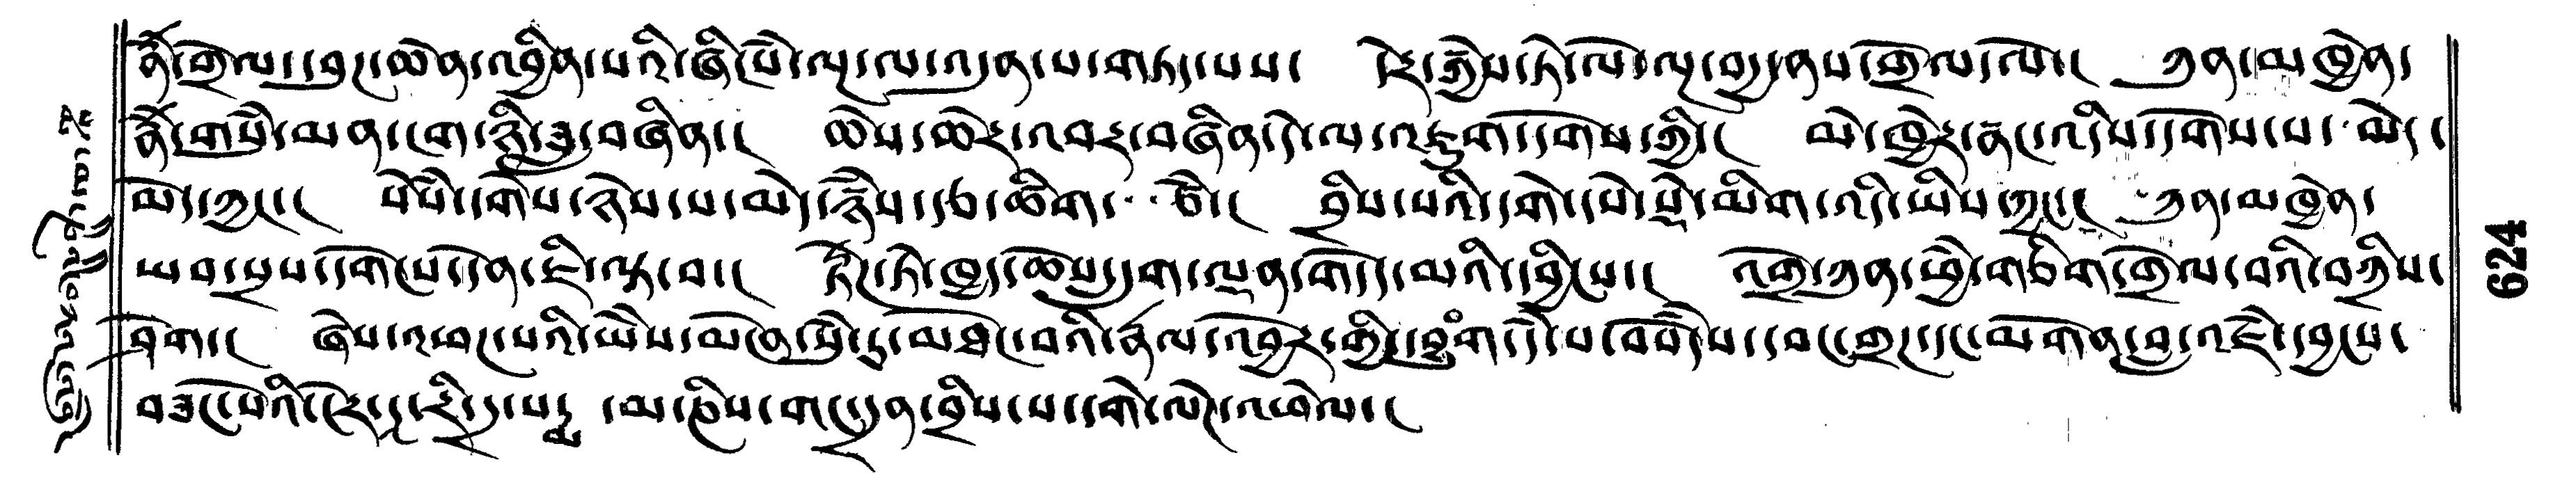རྣམ་གྲོལ་དབུགས་ཆེན་འབྱིན་པའི་ཞིང་ཁམས་ལྔ་ལ་འདུན་པ་གཏད་པས། དེར་སྐྱེས་ཏེ་ལོ་ལྔ་བརྒྱ་ནས་གྲོལ་ལོ། ཀུན་མཁྱེན་
རྣམ་གསུམ་མན་ངག་ཉི་ཟླ་བཞིན། །ཆེས་ཆེར་འབར་བཞིན་དེ་ལ་འཇུག་དགོས་ཀྱི། །མེ་ཁྱེར་སྣང་འདིས་དགོས་པ་མེད་
མོད་ཀྱང་། །སེམས་དགེས་ཉེས་པ་མེད་སྙམ་རྩ་ཚིག་ཙམ། །བྲིས་པའི་དགེ་ ( དཔེ་སྡེ་མིག་ ? )འདི་ཡིས་ཀྱང་། །ཀུན་མཁྱེན་
ཡབ་སྲས་དགོངས་དོན་ཇི་ལྟ་བ། །རྟོགས་ཏེ་ཁྱད་ཆོས་དྲུག་ལྡན་གདོད་མའི་དབྱིངས། །འགྲོ་ཀུན་ཕྱམ་གཅིག་གྲོལ་བའི་བཀྲ་ཤིས་
ཤོག ཞེས་འཕགས་པའི་ཡེ་ཤེས་མངོན་སུམ་དུ་མཐོང་བའི་རྣལ་འབྱོར་གྱི་དབང་ཕྱུག་དམ་པ་བསོད་ནམས་དབང་གྲགས་དང་མགོན་བླ་འཇམ་དབྱངས་
བཟང་པོའི་ངོར་དཱ་རི་དྲ་པདྨ་མ་ཎིས་གང་དྲན་བྲིས་པ་དགེ་ལེགས་འཕེལ།།